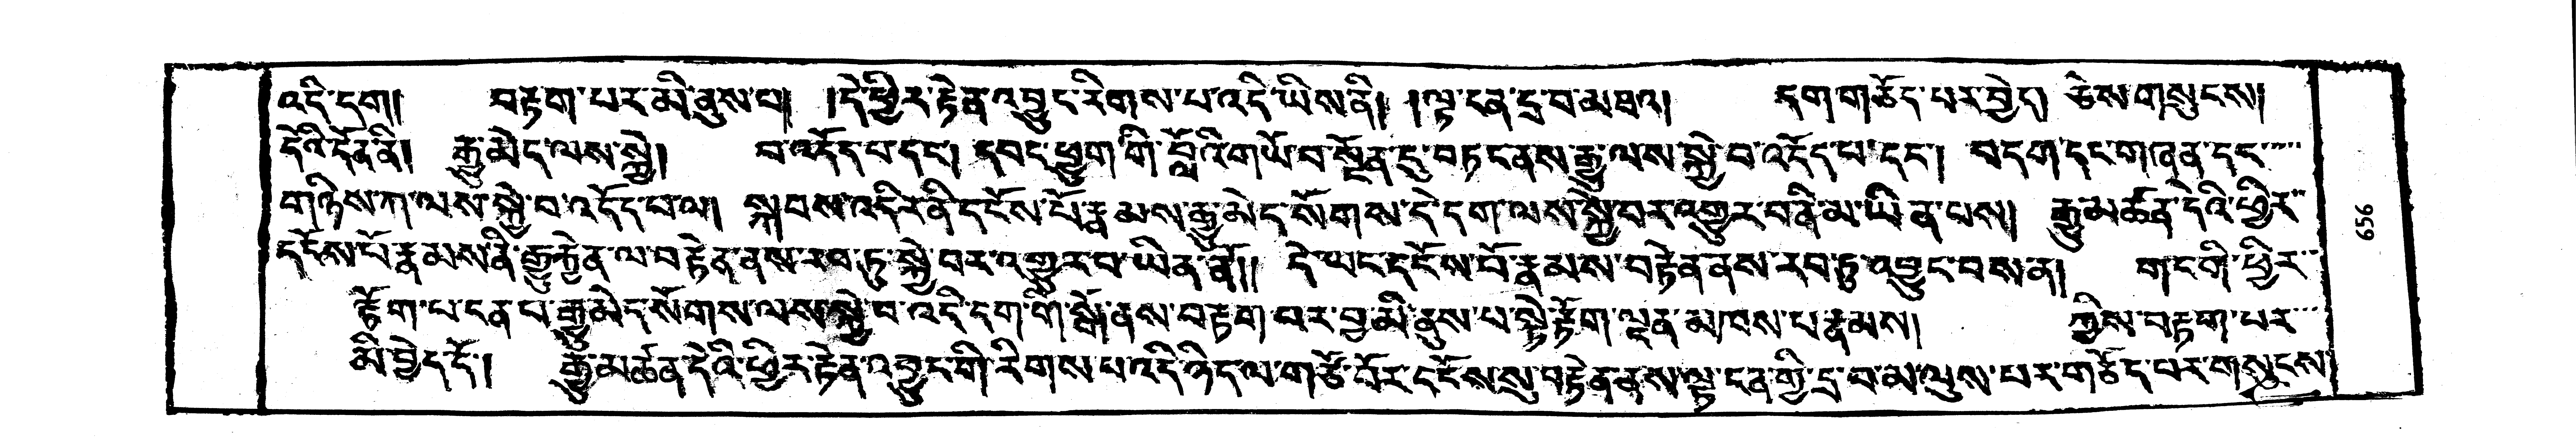འདི་དག། བརྟག་པར་མི་ནུས་པ། །དེ་ཕྱིར་རྟེན་འབྱུང་རིགས་པ་འདི་ཡིས་ནི། །ལྟ་ངན་དྲ་བ་མཐའ། དག་གཅོད་པར་བྱེད། ཅེས་གསུངས།
དེའི་དོན་ནི། རྒྱུ་མེད་ལས་སྐྱེ། བ་འདོད་པ་དང་། དབང་ཕྱུག་གི་བློའི་གཡོ་བ་སྔོན་དུ་བཏང་ནས་རྒྱུ་ལས་སྐྱེ་བ་འདོད་པ་དང་། བདག་དང་གཞན་དང་
གཉིས་ཀ་ལས་སྐྱེ་བ་འདོད་པ་ལ། སྐབས་འདིར་ནི་དངོས་པོ་རྣམས་རྒྱུ་མེད་སོགས་དེ་དག་ལས་སྐྱེ་བར་འགྱུར་བ་ནི་མ་ཡིན་པས། རྒྱུ་མཚན་དེའི་ཕྱིར་
དངོས་པོ་རྣམས་ནི་རྒྱུ་རྐྱེན་ལ་བརྟེན་ནས་རབ་ཏུ་སྐྱེ་བར་འགྱུར་བ་ཡིན་ནོ། །དེ་ཡང་དངོས་པོ་རྣམས་བརྟེན་ནས་རབ་ཏུ་འབྱུང་བས་ན། གང་གི་ཕྱིར་
རྟོག་པ་ངན་པ་རྒྱུ་མེད་སོགས་ལས་སྐྱེ་བ་འདི་དག་གི་སྒོ་ནས་བརྟག་པར་བྱ་མི་ནུས་པ་སྟེ་རྟོག་ལྡན་མཁས་པ་རྣམས། ཀྱིས་བརྟག་པར་
མི་བྱེད་དོ། རྒྱུ་མཚན་དེའི་ཕྱིར་རྟེན་འབྱུང་གི་རིགས་པ་འདི་ཉིད་ལ་གཙོ་བོར་དངོས་སུ་བརྟེན་ནས་ལྟ་ངན་གྱི་དྲ་བ་མ་ལུས་པར་གཅོད་པར་གསུངས་